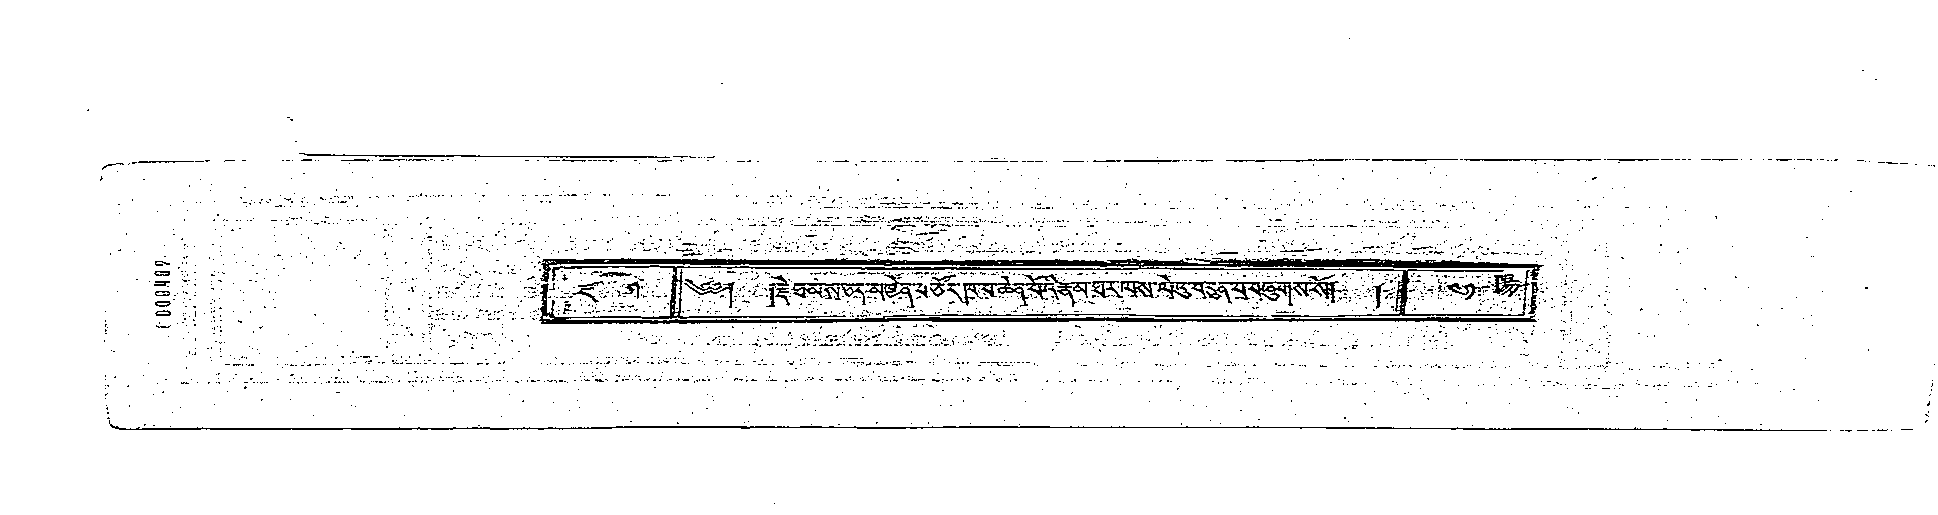ཁ༧?
༄༅། །རྗེ་ཐམས་ཅད་མཁྱེན་པ་ཙོང་ཁ་པ་ཆེན་པོའི་རྣམ་ཐར་ལས་ལེའུ་བདུན་པ་བཞུགས་སོ། །